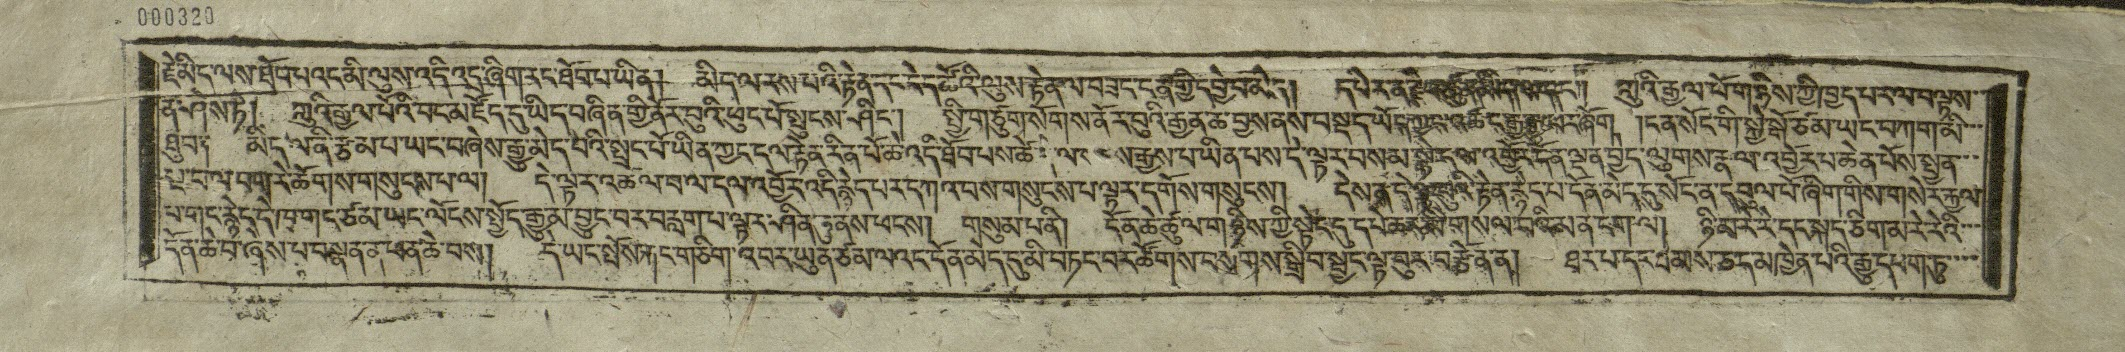རྗེ་མིད་ལས་ཐོབ་པའང་མི་ལུས་འདི་འདྲ་ཞིག་རང་ཐོབ་པ་ཡིན། མིད་ལ་རས་པའི་རྟེན་དང་ངེད་ཚོའི་ལུས་རྟེན་ལ་བཟང་ངན་གྱི་དབྱེ་བ་མེད། དཔེར་ན་རྗེ་བཙུན་མིད་ལ་དང་། ཀླུའི་རྒྱལ་པོ་གཉིས་ཀྱི་ཁྱད་པར་ལ་བལྟས་
ན་ཤེས་ཏེ། ཀླུའི་རྒྱལ་པོའི་བང་མཛོད་དུ་ཡིད་བཞིན་གྱི་ནོར་བུའི་ཕུང་པོ་སྤུངས་ཤིང་། སྤྱི་གཙུག་སོགས་ནོར་བུའི་རྒྱན་ཆ་བྱས་ནས་བསྡད་ཡོད་ཀྱང་འཚང་རྒྱ་རྒྱུ་ཕར་ཞོག །ངན་སོང་གི་སྐྱེ་སྒོ་ཙམ་ཡང་བཀག་མི་
ཐུབ༑ མིད་ལ་ནི་རྩམ་པ་ཡང་བཞེས་རྒྱུ་མེད་པའི་སྤྲང་པོ་ཡིན་ཀྱང་དལ་རྟེན་རིན་པོ་ཆེ་འདི་ཐོབ་པས་ཚེ་དེ་ལ་སངས་རྒྱས་པ་ཡིན་པས་དེ་ལྟར་བསམ་སྟེ་དལ་འབྱོར་དོན་ལྡན་བྱེད་ལུགས་རྣལ་འབྱོར་པ་ཆེན་པོས་སྤྱན་
སྔ་བ་ལ་བག་རེ་ཆོགས་གསུངས་པ་ལ། དེ་ལྟར་འཚལ་བ་ལ་དལ་འབྱོར་འདི་རྙེད་པར་དཀའ་བས་གསུངས་པ་ལྟར་དགོས་གསུངས། དེས་ན་དེ་ལྟ་བུའི་རྟེན་རྙེད་པ་དོན་མེད་དུ་སོང་ན་དབུལ་པོ་ཞིག་གིས་གསེར་རྐྱལ་
པ་གང་རྙེད་དེ་ཁ་གང་ཙམ་ཡང་ལོངས་སྤྱོད་རྒྱུ་མ་བྱུང་བར་བརླག་པ་ལྟར་ཤིན་ཏུ་ནས་ཕངས། གསུམ་པ་ནི། དོན་ཆེ་ཚུལ་གཉིས་ཀྱི་སྟེང་དུ་དཔེ་ཆར་མི་གསལ་བའི་མན་ངག་ལ། ཉི་མ་རེ་རེ་དང་སྐད་ཅིག་མ་རེ་རེའི་
དོན་ཆེ་བ་ཞེས་པ་བསྣན་ན་ཕན་ཆེ་བས། དེ་ཡང་སྤོས་རྐང་གཅིག་འབར་ཡུན་ཙམ་ལའང་དོན་མེད་དུ་མི་བཏང་བར་ཚོགས་བསགས་སྒྲིབ་སྦྱང་ལྟ་བུར་བརྩོན་ན། ཐར་པ་དང་ཐམས་ཅད་མཁྱེན་པའི་རྒྱུ་དཔག་ཏུ་